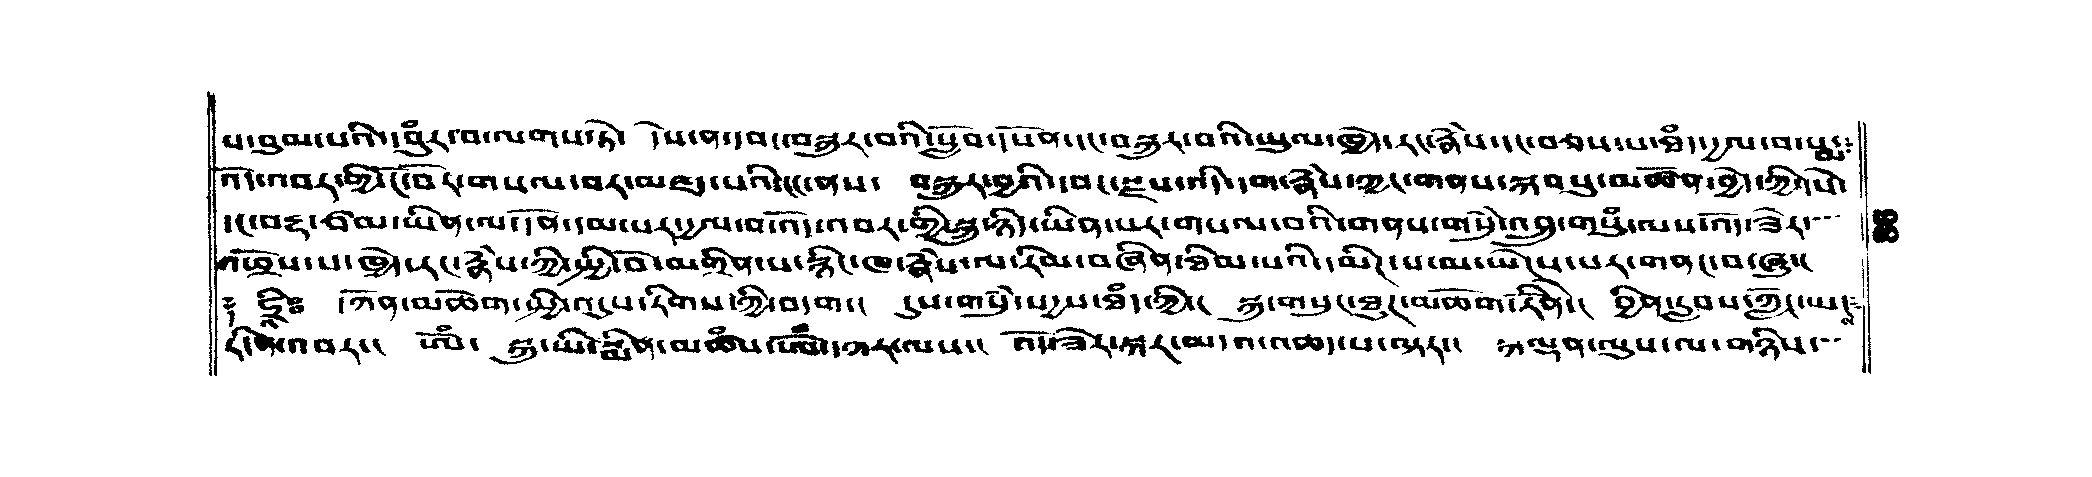པ་བུམ་པའི་དབང་བསྐུར་བ་ལགས་ཏེ། དེས་ན་དབང་བསྐུར་བའི་སློབ་དཔོན་དང་བསྐུར་བའི་ཡུལ་ཁྱོད་རང་རྣམས་དང་བཅས་པ་ཐམས་ཅད་རྒྱལ་བ་པདྨ་
འོད་འབར་གྱི་ངོ་བོར་གསལ་བར་མཛད་པའི་ངང་ནས། བསྐུར་བྱཱི་དབང་རྫས་འདི་དག་རྣམས་ཀྱང་གནས་སྐབས་སུ་མཚོན་བྱེད་ཀྱི་དཔེ་
དང་བརྡ་ཙམ་ཡིན་ལ་དོན་དམ་པར་རྒྱལ་བ་འོད་འབར་གྱི་སྐུ་ཉིད་ཡིན་པར་གསལ་བའི་གནས་གསུམ་འབྲུ་གསུམ་ལས་འོད་ཟེར་
འཕྲོས་པ་ཁྱོད་རང་རྣམས་ཀྱི་སྤྱི་བོ་མགྲིན་པ་སྙིང་ཁ་རྣམས་ལ་རིམ་བཞིན་ཐིམ་པའི་དམིགས་པ་མ་ཡེངས་པར་གནང་བ་ཞུ། 
༈ ཧྲཱིཿ དཀོན་མཆོག་སྤྱི་འདུས་རིགས་ཀྱི་བདག་དུས་གསུམ་སངས་རྒྱས་ཐམས་ཅད་ཀྱི། །སྐུ་གསུང་ཐུགས་མཆོག་རིན་པོ་ཆེ། ། བྱིན་ལརླབས་ཀློངས་ཡངས་
རིན་ཆེན་འབར། ། ཨོྃ། སྐུ་ཡི་སྨིན་མཚམས་ཨོྃ་དཀར་ལས། །འོད་ཟེར་སྐར་མདའ་འཆད་པ་ལྟར། །སྐལ་ལྡན་ལུས་ལ་གཉིས་